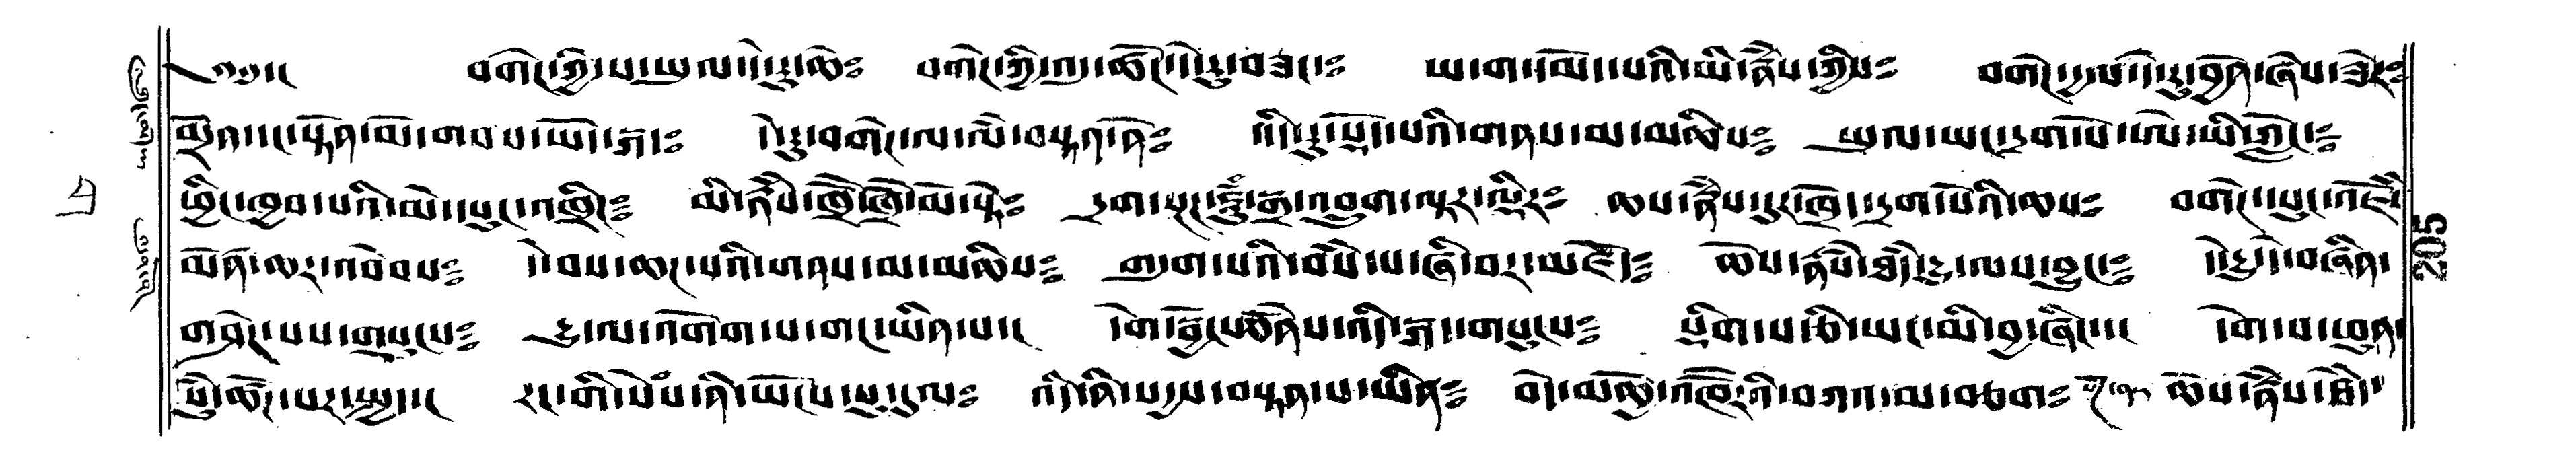བགེགས་ཀྱི་ས་ཡུལ་དེ་རུ་བཟང༔ བགེགས་ཀྱི་འདུ་ཚོགས་དེ་རུ་ཆེ༔ ཡ་ག་དམོད་པའི་མི་རྣམས་ཀྱིས༔ བགེགས་རྒྱལ་དེ་རུ་བྱོན་ཞེས་ཟེར༔ 
མགྲོན་དང་སྟོན་མོ་གབས་ཡོད་སྐད༔ དེ་རུ་བགེགས་ལ་ལམ་སྟོན་ནོ༔ འདི་རུ་སྡོད་པའི་གནས་མ་མཆིས༔ ཡུལ་ཡང་དྲག་པོ་ཨེ་ཡི་ཀློང༔ 
ཕྱི་ནང་ཁྱབ་པའི་མེ་དཔུང་འཁྲིགས༔ མི་རྣམས་ཁྲོ་བོ་ཁྲོ་མོ་སྟེ༔ དྲག་སྔགས་ཧཱུྂ་སྒྲ་འབྲུག་ལྟར་ལྡིར༔ ཆས་རྣམས་དུར་ཁྲོད་དྲག་པོའི་ཆས༔ བགེགས་དཔུང་འཇོམས་
པའི་མཚོན་ཆར་འབེབས༔ དེ་བས་ཆགས་པའི་གནས་མ་མཆིས༔ གདུག་པའི་བསམ་པ་ཞི་བར་མཛོད༔ ཆོས་རྣམས་ཐམས་ཅད་རྒྱུ་ལས་བྱུང༔ དེ་རྒྱུ་དེ་བཞིན་
གཤེགས་པས་གསུངས༔ རྒྱུ་ལ་འགོག་པ་གང་ཡིན་པ༔ དགེ་སྦྱོང་ཆེན་པོས་འདི་སྐད་གསུངས༔ སྡིག་པ་ཅི་ཡང་མི་བྱ་ཞིང༔ དགེ་བ་ཕུན་
སུམ་ཚོགས་པར་སྤྱོད༔ རང་གི་སེམས་ནི་ཡོངས་སུ་འདུལ༔ འདི་ནི་སངས་རྒྱས་བསྟན་པ་ཡིན༔ བདེ་མཆོག་འཁོར་ལོའི་བཀའ་མ་གཅོག༔ སོགས་ནས། ཆོས་རྣམས་ཐམས་ཅད་